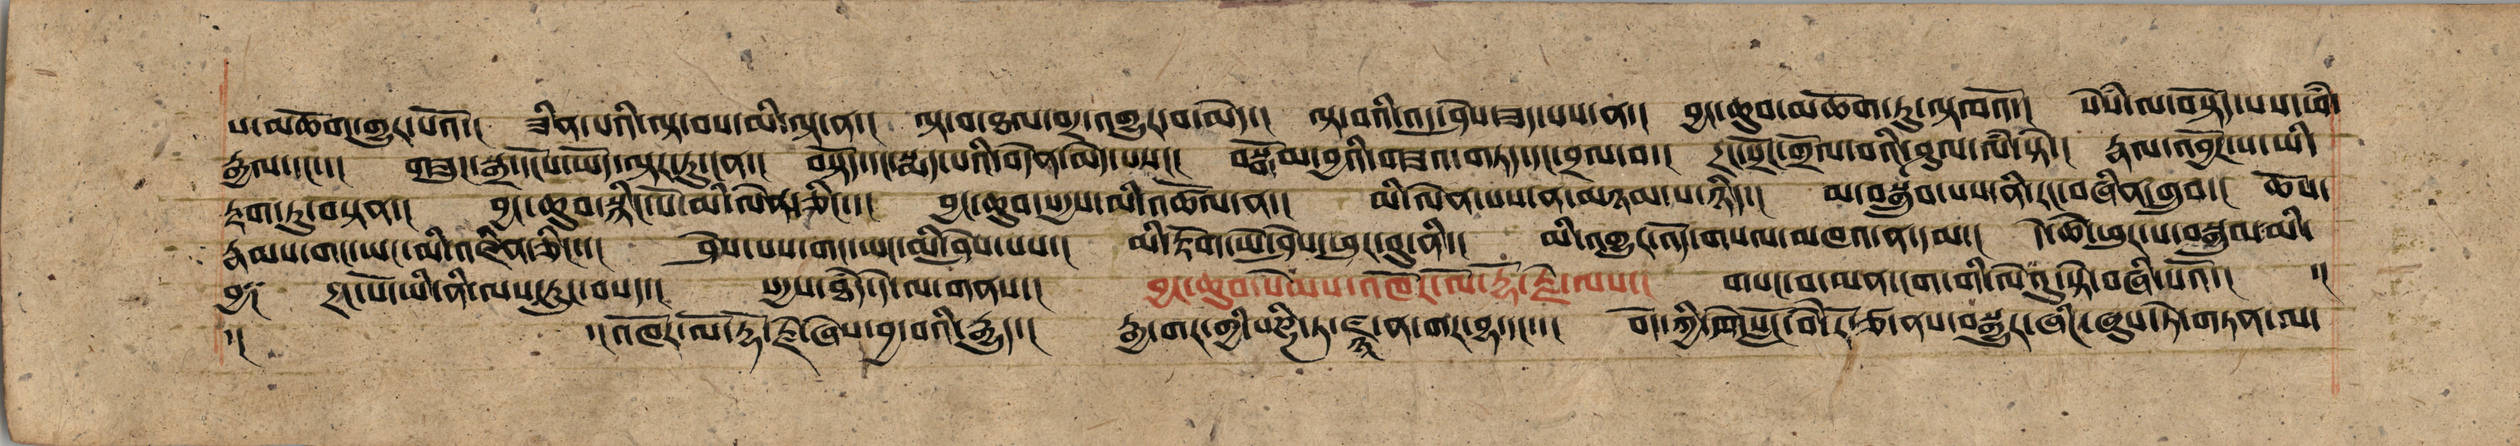པ་མཆོག་གྱུར་པའོ་། ཟིན་པའི་ལྟ་བས་མི་ལྟ་ན་། ལྟ་བ་ཐལ་བར་འགྱུར་བ་མེད་། ལྟ་བའི་འདུ་ཤེས་ཟད་པས་ན་། བྱང་ཆུབ་མཆོག་ཏུ་ལྟ་བའོ་། སེཾས་ལ་བསྟོད་པས་ཨི་
རྒྱལ་དང་་། གཟུགས་སྒྲ་དངོས་ཡོད་ལྟར་ཏུ་ངན་། བསྟོད་དང་སྨད་པའི་བདེན་མེད་པས་། བསྒོམ་བྱའི་གཟའ་གཏད་དང་བྲལ་བ་། དྲང་སྲོང་གྲོལ་བའི་ཤུལ་ལཾ་སྟེ་། རྣལ་འབྱོར་པ་ཡི་
རྟག་ཏུ་བསྟན་། བྱང་ཆུབ་སྙིང་པོ་མི་ལེན་ཅིང་་། བྱང་ཆུབ་སདྱས་མི་འཚོལ་ན་། མི་ལེན་པས་ན་མཉམ་པ་ཉིད་། མ་བསྒྲུབ་པས་ནི་རང་བཞིན་གྲུབ་། ཆོས་
རྣམས་གང་ཡང་མི་འཛིན་ཅིང་་། ཤེས་པས་གང་ཡང་མི་ཤེས་པས་། མི་རྟོག་ཡེ་ཤེས་ཕུར་བུ་ནི་། མི་འགྱུར་འོད་གསལ་མཁའ་ན་དལ་། དེ་ཚེ་ཕུར་པ་བསྒྲུབ་མི་
བྱ༑ དྲང་པོ་ཡི་ནི་ལས་རླུང་བསད་། སདྱས་ཐཾད་དེ་ལ་གནས་། བྱང་ཆུབ་སེམས་འཁོར་ལོ་རྡོ་རྗེ་ལས་། གསང་བ་མན་ངག་གི་ལེའུ་སྟེ་བཞི་པའོ་། ་།
འཁོར་ལོ་རྡོ་རྗེ་ཞེས་བྱ་བའི་རྒྱུད་། རྒྱ་གར་གྱི་པཎྜི་ཏ་ཛྙཱ་ན་གར་བྷ་དང་་། བོད་ཀྱི་དགེ་སློང་བཻ་རོ་ཙ་ནས་བསྒྱུར་ཞིང་ཞུས་ཏེ་གཏན་ལ་